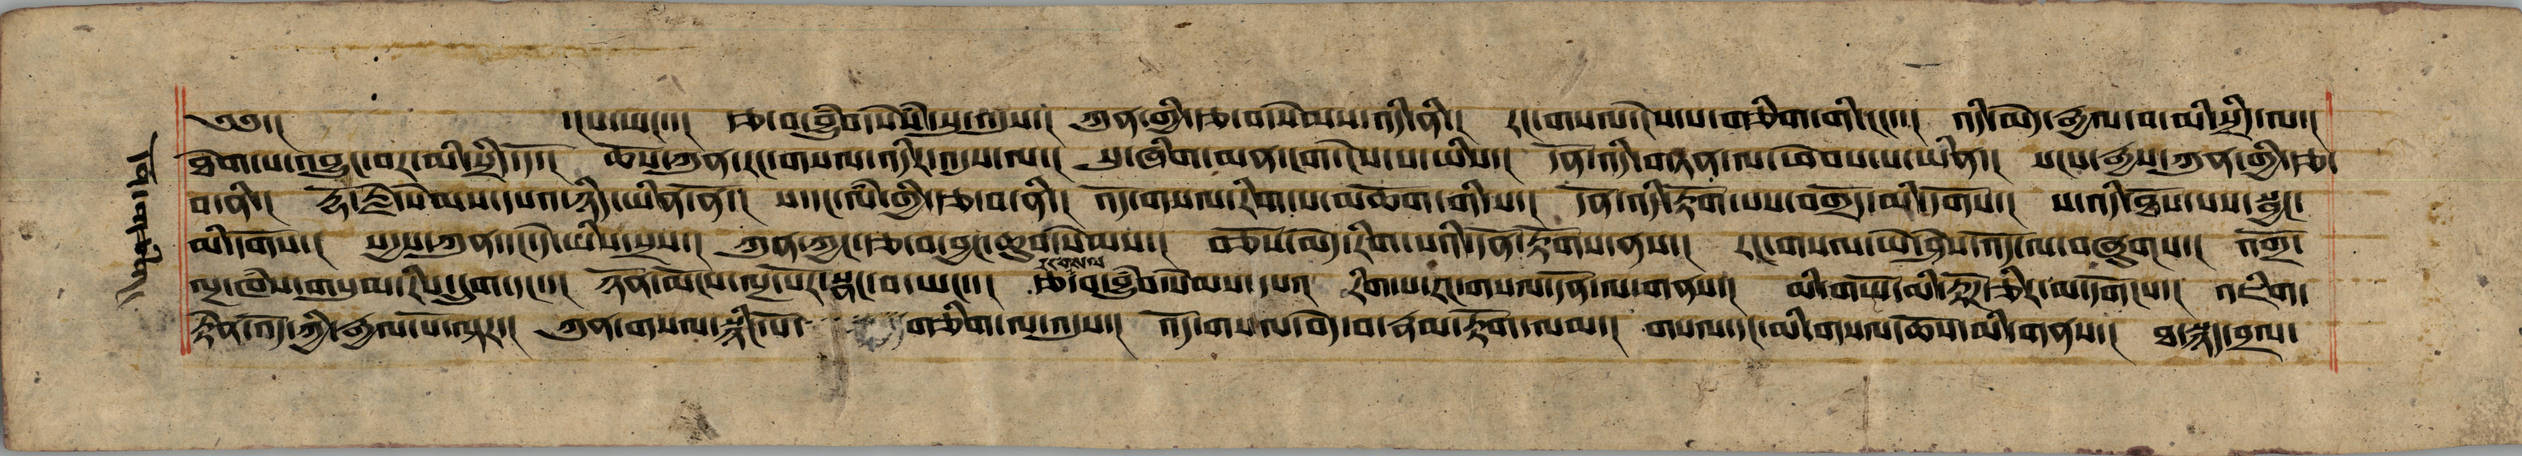༄༅་། ་།པ་ཡང་་། རྩ་བ་བྱུཾབ་སེཾས་སུ་འདུས་། ཀུན་གྱི་རྩ་བ་སེམས་འདི་ནི་། རང་གསལ་ངེས་པ་གཅིག་གི་ངང་་། འདི་མེད་རྒྱལ་བ་མི་སྲིད་ལ་།
ཐེག་པ་འབྱུང་བར་མི་སྲིད་དོ་། ཆོས་ཀུན་རང་གསལ་འདིར་འདུས་ལ་། སུ་ཞིག་མན་ངག་ངེས་པ་ཡིས་། དོན་འདི་གཏན་ལ་ཕེབས་པ་ཡིན་། སངས་རྒྱས་ཀུན་གྱི་རྩ་
བ་ནི་། རྡོ་རྗེ་སེམས་དཔའ་ཉིད་ཡིན་ནོ་། ས་དང་ལཾ་གྱི་རྩ་བ་ནི་། འོད་གསལ་རིག་པ་མཆོག་གི་ས་། དོན་འདི་རྟོག་པས་བགྲོད་མི་དགོས་། ས་འདི་ཐོས་པས་སྦྱང་
མི་དགོས་། སདྱས་ཀུན་དང་དེ་ཡིས་སྲས་། ཀུན་ཀྱང་རྩ་བ་བྱང་ཆུབ་སེམས་། བཅོས་མེད་རིག་པའི་དོན་རྟོགས་ནས་། རང་གསལ་ཡེ་ཤེས་འོད་ལ་བཞུགས་། འགྲོ་
ལྔ་ཁཾས་གསུམ་རིས་དྲུག་དང་་། ཉོན་མོངས་ལྔ་པོར་སྣང་བ་ཡང་་། རྩ་བ་བྱུཾབ་སེམས་དཔའ་ རིག་པ་རང་གསལ་དོན་ལ་གནས་། མི་གཡོ་མི་རྟོཌ་ཅིར་མ་དགོངས་། འཇིག་
རྟེན་བོད་ཀྱི་རྒྱལ་པོ་ལྟར་། ཀུན་གསལ་སྙིང་པོ་ གཅིག་ལ་འདུས་། འོད་གསལ་བདེ་བ་རྣམ་རྟོག་ལམ་། གསལ་དང་མི་གསལ་ཆོས་མི་གནས་། ཐ་སྙད་བྲལ་